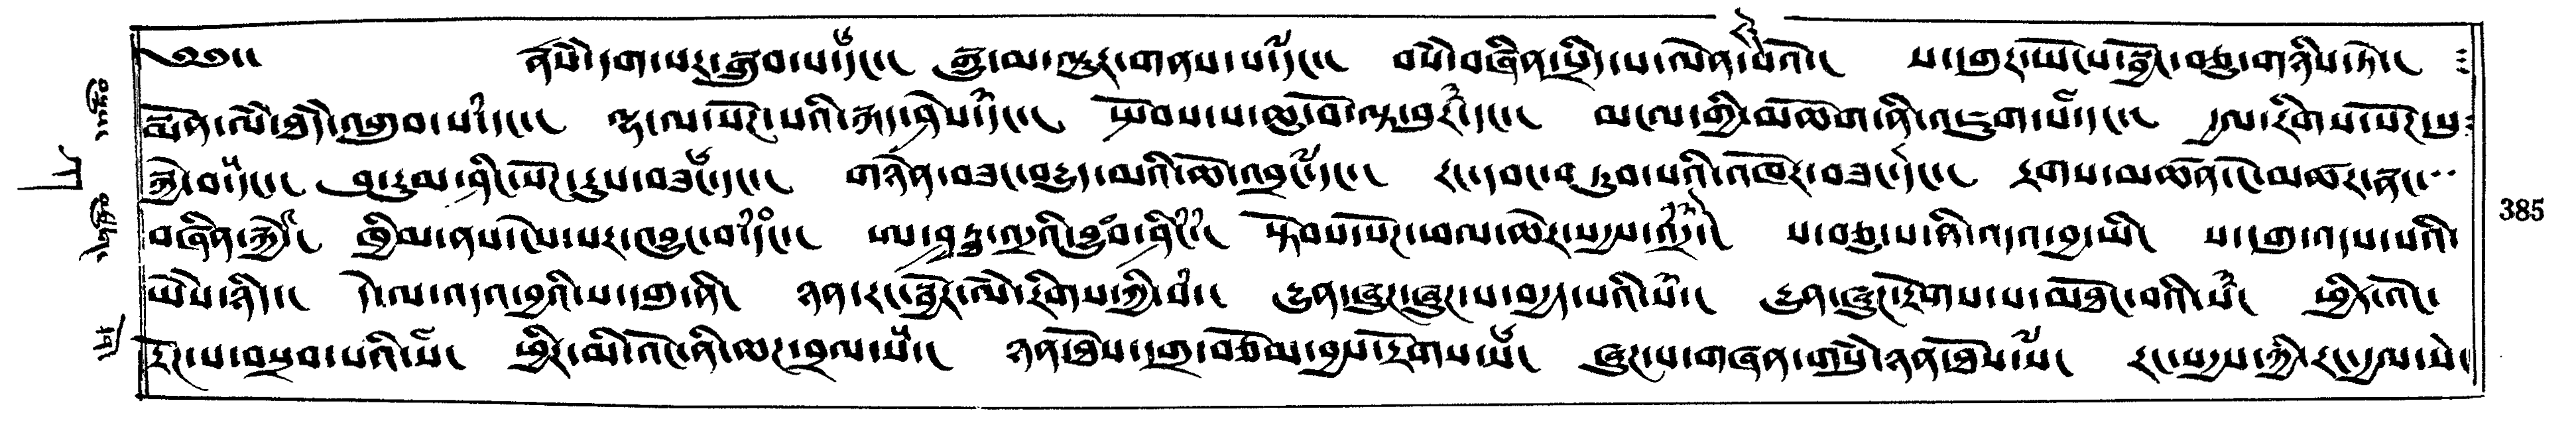རྣམས་དག་པར་སྒྲུབ་པ་དང་། །སྒྱུ་མ་ལྟ་བུར་གནས་པ་དང་། །བསམ་བཞིན་སྲིད་པ་ལེན་པའོ། །ས་དགུར་ཡོངས་སྦྱོང་བཅུ་གཉིས་ཏེ། །
སྨོན་ལམ་ཐམས་ཅད་འགྲུབ་པ་དང་། །ལྷ་ལ་སོགས་པའི་སྐད་ཤེས་དང་། །སྤོབས་པ་ཆུ་བོ་ལྟ་བུ་དང་། །མངལ་གྱི་མཆོག་ནི་འཇུག་པ་དང་། །རྒྱལ་རིགས་སོགས་སུ་
སྐྱེ་བ་དང་། །བུ་རམ་ཤིང་སོགས་རུས་བཟང་དང་། །གཉེན་བཟང་བརྒྱུད་མའི་ཆོ་འབྲང་དང་། །རང་དབང་བཏུབ་པའི་འཁོར་བཟང་དང་། །རྟགས་མཚན་ངོ་མཚར་སྣང་
བཞིན་སྐྱེ། ཁྱིམ་ནས་ངེས་པར་འབྱུང་བ་དང་། །ཨ་ཤྭཏྠ་འདྲའི་བྱང་ཆུབ་ཤིང་། །སྟོབས་སོགས་ཕལ་ཆེར་སངས་རྒྱས་འདྲ། །ས་བཅུ་པ་ནི་འདའ་བྱ་ཡི། །ས་དགུ་འདས་པའི་
ཡེ་ཤེས་ཉིད། །དེ་ལ་འདའ་བྱའི་ས་དགུ་ནི། །ཉན་རང་སྦྱོར་ལམ་རིགས་ཀྱི་ས། །རྒྱུན་ཞུགས་ཞུགས་པ་བརྒྱད་པའི་ས། །རྒྱུན་ཞུགས་རྟོགས་པ་མཐོང་བའི་ས། །ཕྱིར་འོང་
རྟོགས་པ་བསྲབ་པའི་ས། །ཕྱིར་མི་འོང་ནི་ཆགས་བྲལ་ས། །ཉན་ཐོས་དགྲ་བཅོམ་བྱས་རྟོགས་ས། །ཞུགས་པ་གཞན་གསུམ་ཉན་ཐོས་ས། །རང་སངས་རྒྱས་ཀྱི་རང་རྒྱལ་ས། །